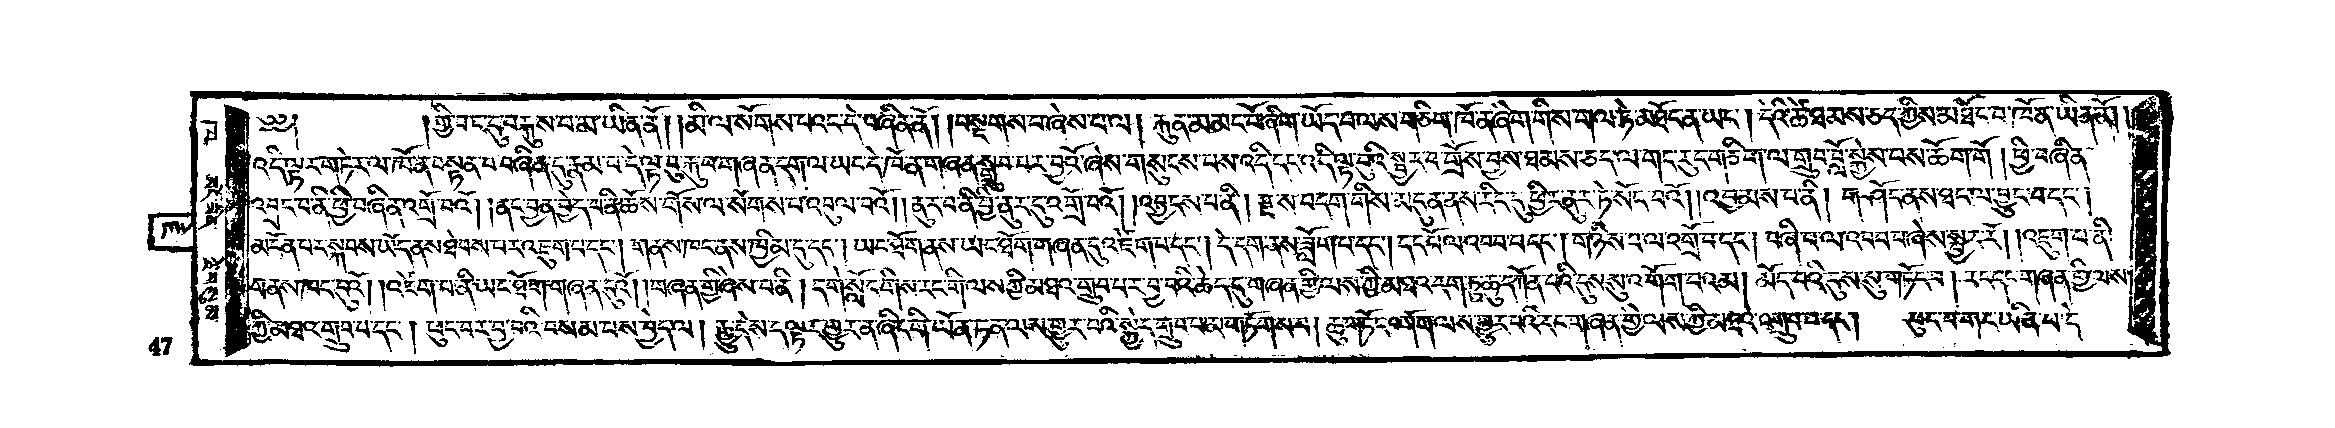༄༅། །གྱི་བར་དུ་བརྐུས་པ་མ་ཡིན་ནོ། །མི་ལ་སོགས་པའང་ད་བཞིན་ནོ། །བསྔགས་པ་ཞེས་པ་ལ། རྐུན་མ་མང་པོ་ཞིག་ཡོད་པ་ལས་གཅིག་ཁོ་ན་ཞིག་གིས་གལ་ཏེ་མཐོང་ན་ཡང་། དེའི་ཚེ་ཐམས་ཅད་ཀྱིས་མཐོང་བ་ཁོ་ན་ཡིན་ནོ། །
འདི་ལྟར་གཏེར་ལ་ཁོ་ན་བསྟན་པ་བཞིན་དུ་རྣམ་པ་དེ་ལྟ་བུ་རྐུ་བ་གཞན་དག་ལ་ཡང་དེ་ཁོ་ན་གཞན་སྒྲུབ་པར་བྱའོ་ཞེས་གསུངས་པས་འདི་དང་འདི་ལྟ་བུའི་སྦྱར་བ་གྲོས་བྱས་ཐམས་ཅད་ལ་གང་རུང་གཅིག་ལ་གྲུབ་བློ་སྐྱེས་པས་ཆོག་གོ །ཕྱི་བཞིན་
འབྲང་བ་ནི་ཕྱི་བཞིན་འགྲོ་བའོ། །ནང་བྱན་བྱེད་པ་ནི་ཆོས་གོས་ལ་སོགས་པ་འབུལ་བའོ། །ནུར་བ་ནི་ཕྱི་ནུར་དུ་འགྲོ་བའོ། །འབྱངས་པ་ནི། རྫས་བདག་གིས་མདུན་ནས་རིང་དུ་ཕྱིར་ནུར་ཏེ་སོང་བའོ། །འབྱམས་པ་ནི། གཤོད་ནས་ཐང་ལ་བྱུང་བ་དང་།
མངོན་པར་སྐབས་ཡོད་ནས་ཐེབས་པར་འཇུག་པ་དང་། གནས་ཁང་ནས་ཁྱིམ་དུ་དང་། ཡང་ཐོག་ནས་ཡང་ཐོག་གཞན་དུ་འཛེག་པ་དང་། དེ་དག་ནས་ཟློག་པ་དང་། དང་པོ་ལ་འབབ་པ་དང་། གཉིས་པ་ལ་འགྲོ་བ་དང་། བཞི་བ་ལ་འབབ་པ་ཞེས་སྦྱར་རོ། །འཇུག་པ་ནི་
གནས་ཁང་དུའོ། །འཛེག་པ་ནི་ཡང་ཐོག་གཞན་དུའོ། །གཞན་གྱི་ཞེས་པ་ནི། དགེ་སློང་གིས་རང་གི་ལས་ཀྱི་མཐའ་གྲུབ་པར་བྱ་བའི་ཆེད་དུ་གཞན་གྱི་ལས་ཀྱི་མཐའ་དག་ཏུ་ཆུ་དཀོན་པའི་དུས་སུ་འགོག་པའམ། མོད་པའི་དུས་སུ་གཏོང་བ། རང་དང་གཞན་གྱི་ལས་
ཀྱི་མཐའ་གྲུབ་པ་དང་། ཕུང་བར་བྱ་བའི་བསམ་པས་བྱེད་ལ། རྒྱུ་དེས་དེ་ལྟར་གྱུར་ན་ཞིང་གི་ཡོན་ཏན་ལས་གྱུར་བའི་སྐྱེད་གྲུབ་པ་མ་གཏོགས་པ། ཆུ་གཏོང་འགོག་ལས་གྱུར་པའི་རང་གཞན་གྱི་ལས་ཀྱི་མཐའ་གྲུབ་པ་དང་། ཕུང་བ་གང་ཡིན་པ་དེ་